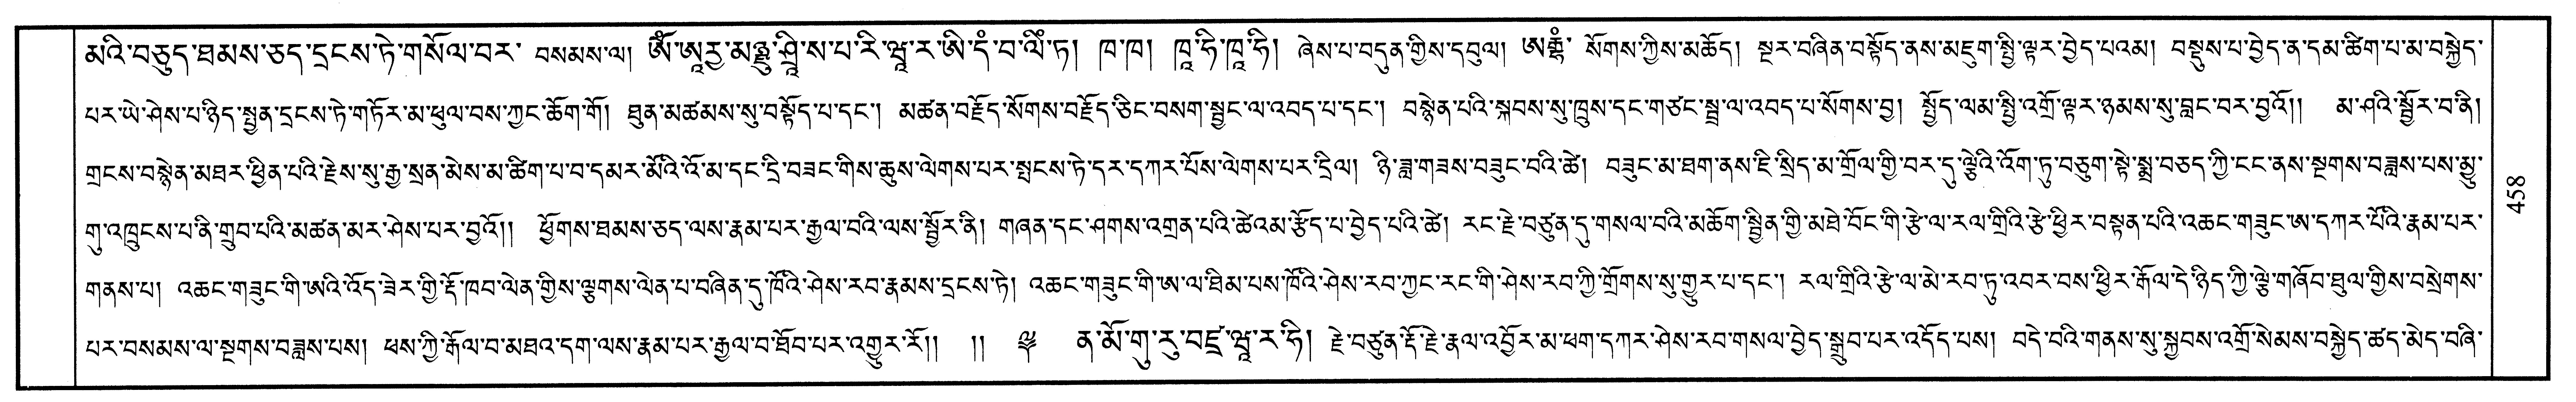མའི་བཅུད་ཐམས་ཅད་དྲངས་ཏེ་གསོལ་བར་བསམས་ལ། ཨོཾ་ཨཱརྱ་མཉྫུ་ཤྲཱི་ས་པ་རི་ཝཱ་ར་ཨི་དཾ་བ་ལིཾ་ཏ། ཁ་ཁ། ཁཱ་ཧི་ཁཱ་ཧི། ཞེས་པ་བདུན་གྱིས་དབུལ། ཨརྒྷཾ་སོགས་ཀྱིས་མཆོད། སྔར་བཞིན་བསྟོད་ནས་མཇུག་སྤྱི་ལྟར་བྱེད་པའམ། བསྡུས་པ་བྱེད་ན་དམ་ཚིག་པ་མ་བསྐྱེད་
པར་ཡེ་ཤེས་པ་ཉིད་སྤྱན་དྲངས་ཏེ་གཏོར་མ་ཕུལ་བས་ཀྱང་ཆོག་གོ། ཐུན་མཚམས་སུ་བསྟོད་པ་དང་། མཚན་བརྗོད་སོགས་བརྗོད་ཅིང་བསག་སྦྱང་ལ་འབད་པ་དང་། བསྙེན་པའི་སྐབས་སུ་ཁྲུས་དང་གཙང་སྦྲ་ལ་འབད་པ་སོགས་བྱ། སྤྱོད་ལམ་སྤྱི་འགྲོ་ལྟར་ཉམས་སུ་བླང་བར་བྱའོ།། མ་ཤའི་སྦྱོར་བ་ནི།
གྲངས་བསྙེན་མཐར་ཕྱིན་པའི་རྗེས་སུ་རྒྱ་སྲན་མེས་མ་ཚིག་པ་བ་དམར་མོའི་འོ་མ་དང་དྲི་བཟང་གིས་ཆུས་ལེགས་པར་སྤངས་ཏེ་དར་དཀར་པོས་ལེགས་པར་དྲིལ། ཉི་ཟླ་གཟས་བཟུང་བའི་ཚེ། བཟུང་མ་ཐག་ནས་ཇི་སྲིད་མ་གྲོལ་གྱི་བར་དུ་ལྕེའི་འོག་ཏུ་བཅུག་སྟེ་སྨྲ་བཅད་ཀྱི་ངང་ནས་སྔགས་བཟླས་པས་མྱུ་
གུ་འཁྲུངས་པ་ནི་གྲུབ་པའི་མཚན་མར་ཤེས་པར་བྱའོ།། ཕྱོགས་ཐམས་ཅད་ལས་རྣམ་པར་རྒྱལ་བའི་ལས་སྦྱོར་ནི། གཞན་དང་ཤགས་འགྲན་པའི་ཚེའམ་རྩོད་པ་བྱེད་པའི་ཚེ། རང་རྗེ་བཙུན་དུ་གསལ་བའི་མཆོག་སྦྱིན་གྱི་མཐེ་བོང་གི་རྩེ་ལ་རལ་གྲིའི་རྩེ་ཕྱིར་བསྟན་པའི་འཆང་གཟུང་ཨ་དཀར་པོའི་རྣམ་པར་
གནས་པ། འཆང་གཟུང་གི་ཨཱི་འོད་ཟེར་གྱི་རྡོ་ཁབ་ལེན་གྱི་ལྕགས་ལེན་པ་བཞིན་དུ་ཁོའི་ཤེས་རབ་རྣམས་དྲངས་ཏེ། འཆང་གཟུང་གི་ཨ་ལ་ཐིམ་པས་ཁོའི་ཤེས་རབ་ཀྱང་རང་གི་ཤེས་རབ་ཀྱི་གྲོགས་སུ་གྱུར་པ་དང་། རལ་གྲིའི་རྩེ་ལ་མེ་རབ་ཏུ་འབར་བས་ཕྱིར་རྒོལ་དེ་ཉིད་ཀྱི་ལྕེ་གཞོབ་ཐུལ་གྱིས་བསྲེགས་
པར་བསམས་ལ་སྔགས་བཟླས་པས། ཕས་ཀྱི་རྒོལ་བ་མཐའ་དག་ལས་རྣམ་པར་རྒྱལ་བ་ཐོབ་པར་འགྱུར་རོ།། །། ༈ ན་མོ་གུ་རུ་བཛྲ་ཝཱ་ར་ཧི། རྗེ་བཙུན་རྡོ་རྗེ་རྣལ་འབྱོར་མ་ཕག་དཀར་ཤེས་རབ་གསལ་བྱེད་སྒྲུབ་པར་འདོད་པས། བདེ་བའི་གནས་སུ་སྐྱབས་འགྲོའི་སེམས་བསྐྱེད་ཚད་མེད་བཞི་